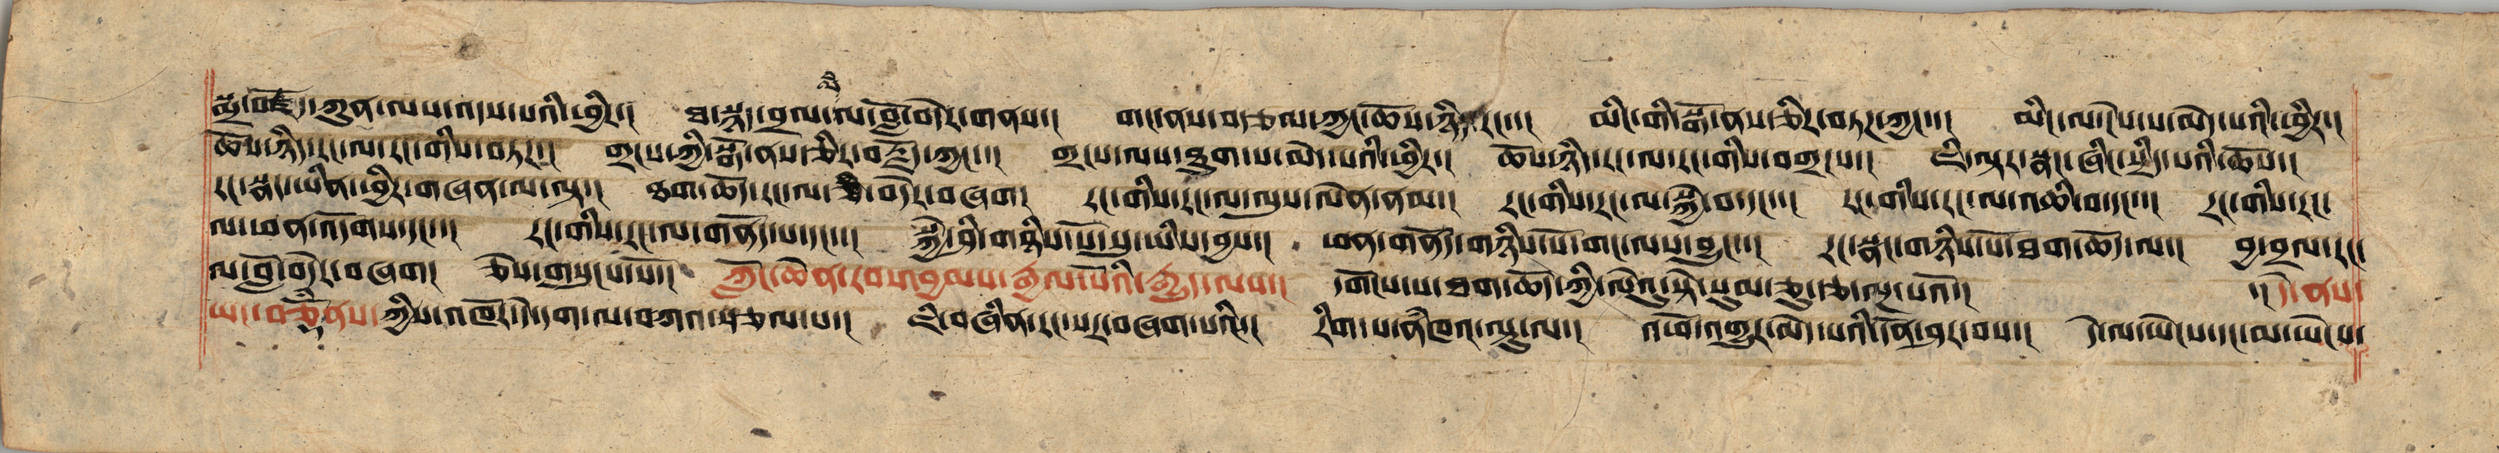སྨྲ་བརྗོད་ཀུན་ལས་འདས་པའི་ཕྱིར་། ཐ་སྙད་བྲལ་ལ་བློ་བདེར་གནས་། གང་ནས་བརྩལ་ཀྱང་ཆོས་ཉིད་རང་་། མིང་གི་སྒོ་ནས་ཅིར་བཏཌ་ཀྱང་་། མིང་ལ་ངེས་པ་མེད་པའི་ཕྱིར་།
ཆོས་ཉིད་རང་ལ་རང་གིས་བཏཌ་། གྲངས་ཀྱི་སྒོ་ནས་ཅིར་བརྗོད་ཀྱང་་། གྲངས་ལས་ཐུག་པ་མེད་པའི་ཕྱིར་། ཆོས་ཉིད་རང་ལ་རང་གིས་བགྲངས་། ཇི་ལྟར་སྣང་ཞིང་སྲིད་པའི་ཆོས་།
རང་སྣང་ཡིན་ཕྱིར་གཞན་ལ་ལྟ་། ཐག་ཆོད་རང་ལ་ཅི་བདེར་བཞག། རང་གིས་རང་ལ་ལུས་ལེན་ནམ་། རང་གིས་རང་ལ་སྐྱེ་བ་དང་་། རང་གིས་རང་ལ་འཆི་བ་དང་་། རང་གིས་རང་
ལ་ཕན་འདོགས་དང་་། རང་གིས་རང་ལ་གནོད་པ་དང་་། སྐྱེ་ཤི་གཉིས་པོ་སུ་ཡིས་བྱས་། ཕན་གནོད་གཉིས་པོ་གང་ལས་བྱུང་་། རང་སྣང་གཉིས་པོ་ཐག་ཆོད་ལ་། བྱ་བྲལ་རང་
ལ་བློ་བདེར་བཞག། ཅེས་གསུངས་སོ་། ཀློང་ཆེན་རབ་འབྱམས་རྒྱལ་པོའི་རྒྱུད་ལས་། དགོངས་པ་ཐག་ཆོད་ཀྱི་ལེའུ་སྟེ་སུམ་ཅུ་རྩ་ལྔ་པའོ་། ་། དེ་ནས་
ཡང་བཅྡོྃནས་ཀྱིས་འཁོར་དེ་དག་ལ་བཀའ་སྩལ་པ་། ཇི་བཞིན་རང་སར་བཞག་པའི་། རིག་པ་ནཾཁའ་ལྟུ་ལ་། འཕོ་འགྱུར་མེད་པའི་དོན་ཤར་བས་། དེ་ལ་ཡེངས་དང་མ་ཡེངས་